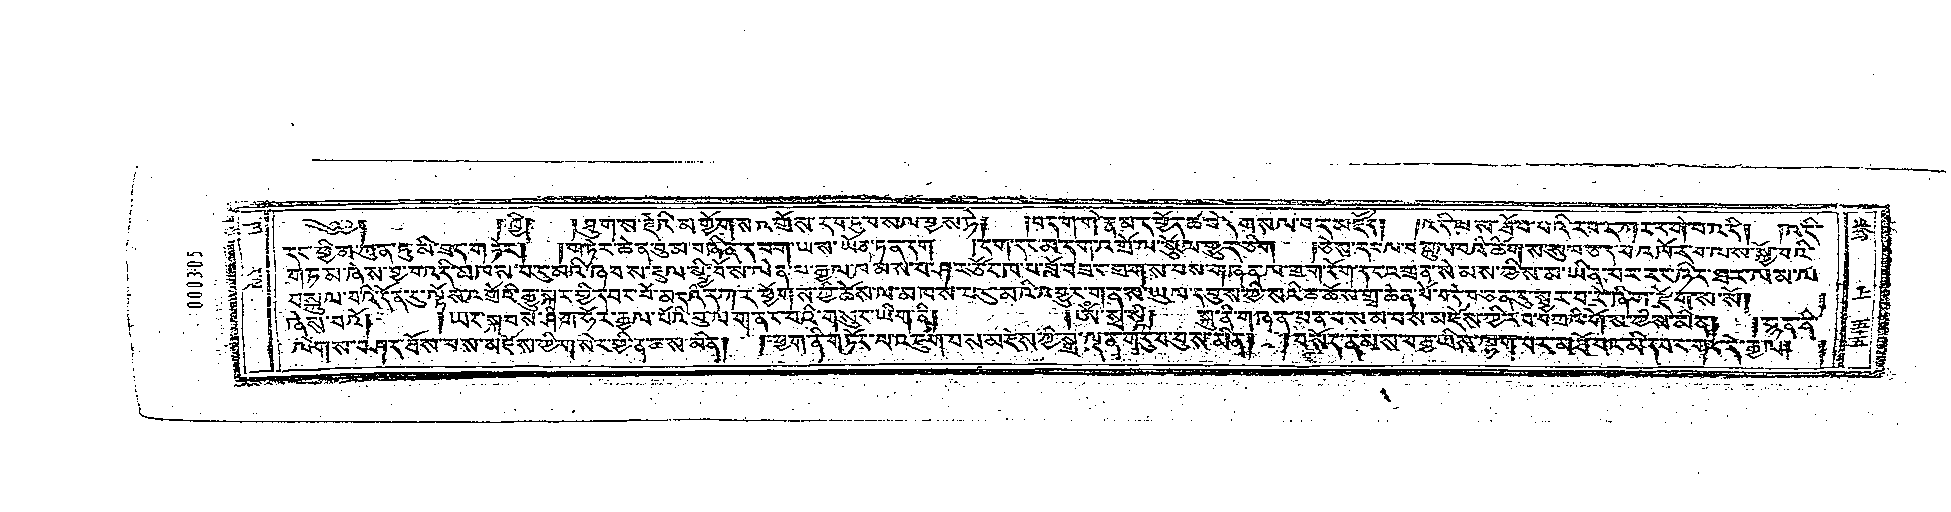༄༅། །ཀྱི། །ཐུགས་རྗེའི་མགྱོགས་འགྲོས་རབ་ཏུ་བསལ་བྱས་ཏེ། །བདག་གེ་རྣམ་དཔྱོད་ཚ་ཟེར་གསལ་བར་མཛོད། །འདི་ལས་ཐོབ་པའི་རབ་དཀར་དགེ་བ་འདི། །འདི་
དང་ཕྱི་མ་ཀུན་ཏུ་མི་ཟད་གཏེར། །གཏེར་ཆེན་བུམ་བཞིན་དཔག་ཡས་ཡོན་ཏན་དག །དག་དང་མ་དག་འགྲོ་ལ་སྩོལ་གྱུར་ཅིག །ཅེས་རང་ལ་བསྐུལ་བའི་ཚིགས་སུ་བཅད་པ་འཁོར་བ་ལས་སྐྱོ་བའི་
གཏམ་ཞེས་བྱ་བ་འདི་མཁས་པ་དུ་མའི་ཞབས་རྡུལ་སྤྱི་བོས་ལེན་པ་རྒྱལ་ཁམས་པ་ཤར་ཙོང་ཁ་པ་བློ་བཟང་གྲགས་པས་གཞན་ལ་ཕྲག་དོག་དང་འགྲན་སེམས་ཀྱིས་མ་ཡིན་པར་རང་ཉིད་ཐར་ལམ་ལ་
བསྐུལ་བའི་དོན་དུ་ལྟོས་འགྲོའི་རྒྱུ་སྐར་གྱི་དབང་པོ་མདའི་དཀར་ཕྱོགས་ཀྱི་ཚེས་ལ་མཁས་པ་དུ་མའི་འབྱུང་གནས་ཡུལ་དུ་དབུས་ཀྱི་སའི་ཆ་ཆོས་གྲྭ་ཆེན་པོ་བདེ་བ་ཅན་དུ་སྦྱར་བ་རེ་ཞིག་རྫོགས་སོ། །
ཞེས་པའོ། །ཡང་སྐབས་ཤིག་ཧོར་རྒྱལ་པོའི་བུ་ལ་གནང་བའི་གསུང་ཡིག་ནི། །ཨོཾ་སྭ་སྟི། སྐུ་ནི་གཞན་ཕན་བསམ་པས་མཛེས་ཀྱི་རབ་བཀྲའི་གོས་ཀྱིས་མིན། །སྙན་ནི་
ལེགས་བཤད་ཐོས་པས་མཛེས་ཀྱི་གསེར་གྱི་ན་ཆས་མིན། །ཕྱག་ནི་གཏོང་ལ་འཇུག་བས་མཛེས་ཀྱི་སྒྲ་ལྡན་གདུབ་བུས་མིན། །བསོད་ནམས་བརྒྱ་ཡིས་ལྷག་པར་མཐོ་བའི་མི་དབང་གང་དེ་རྒྱལ། །